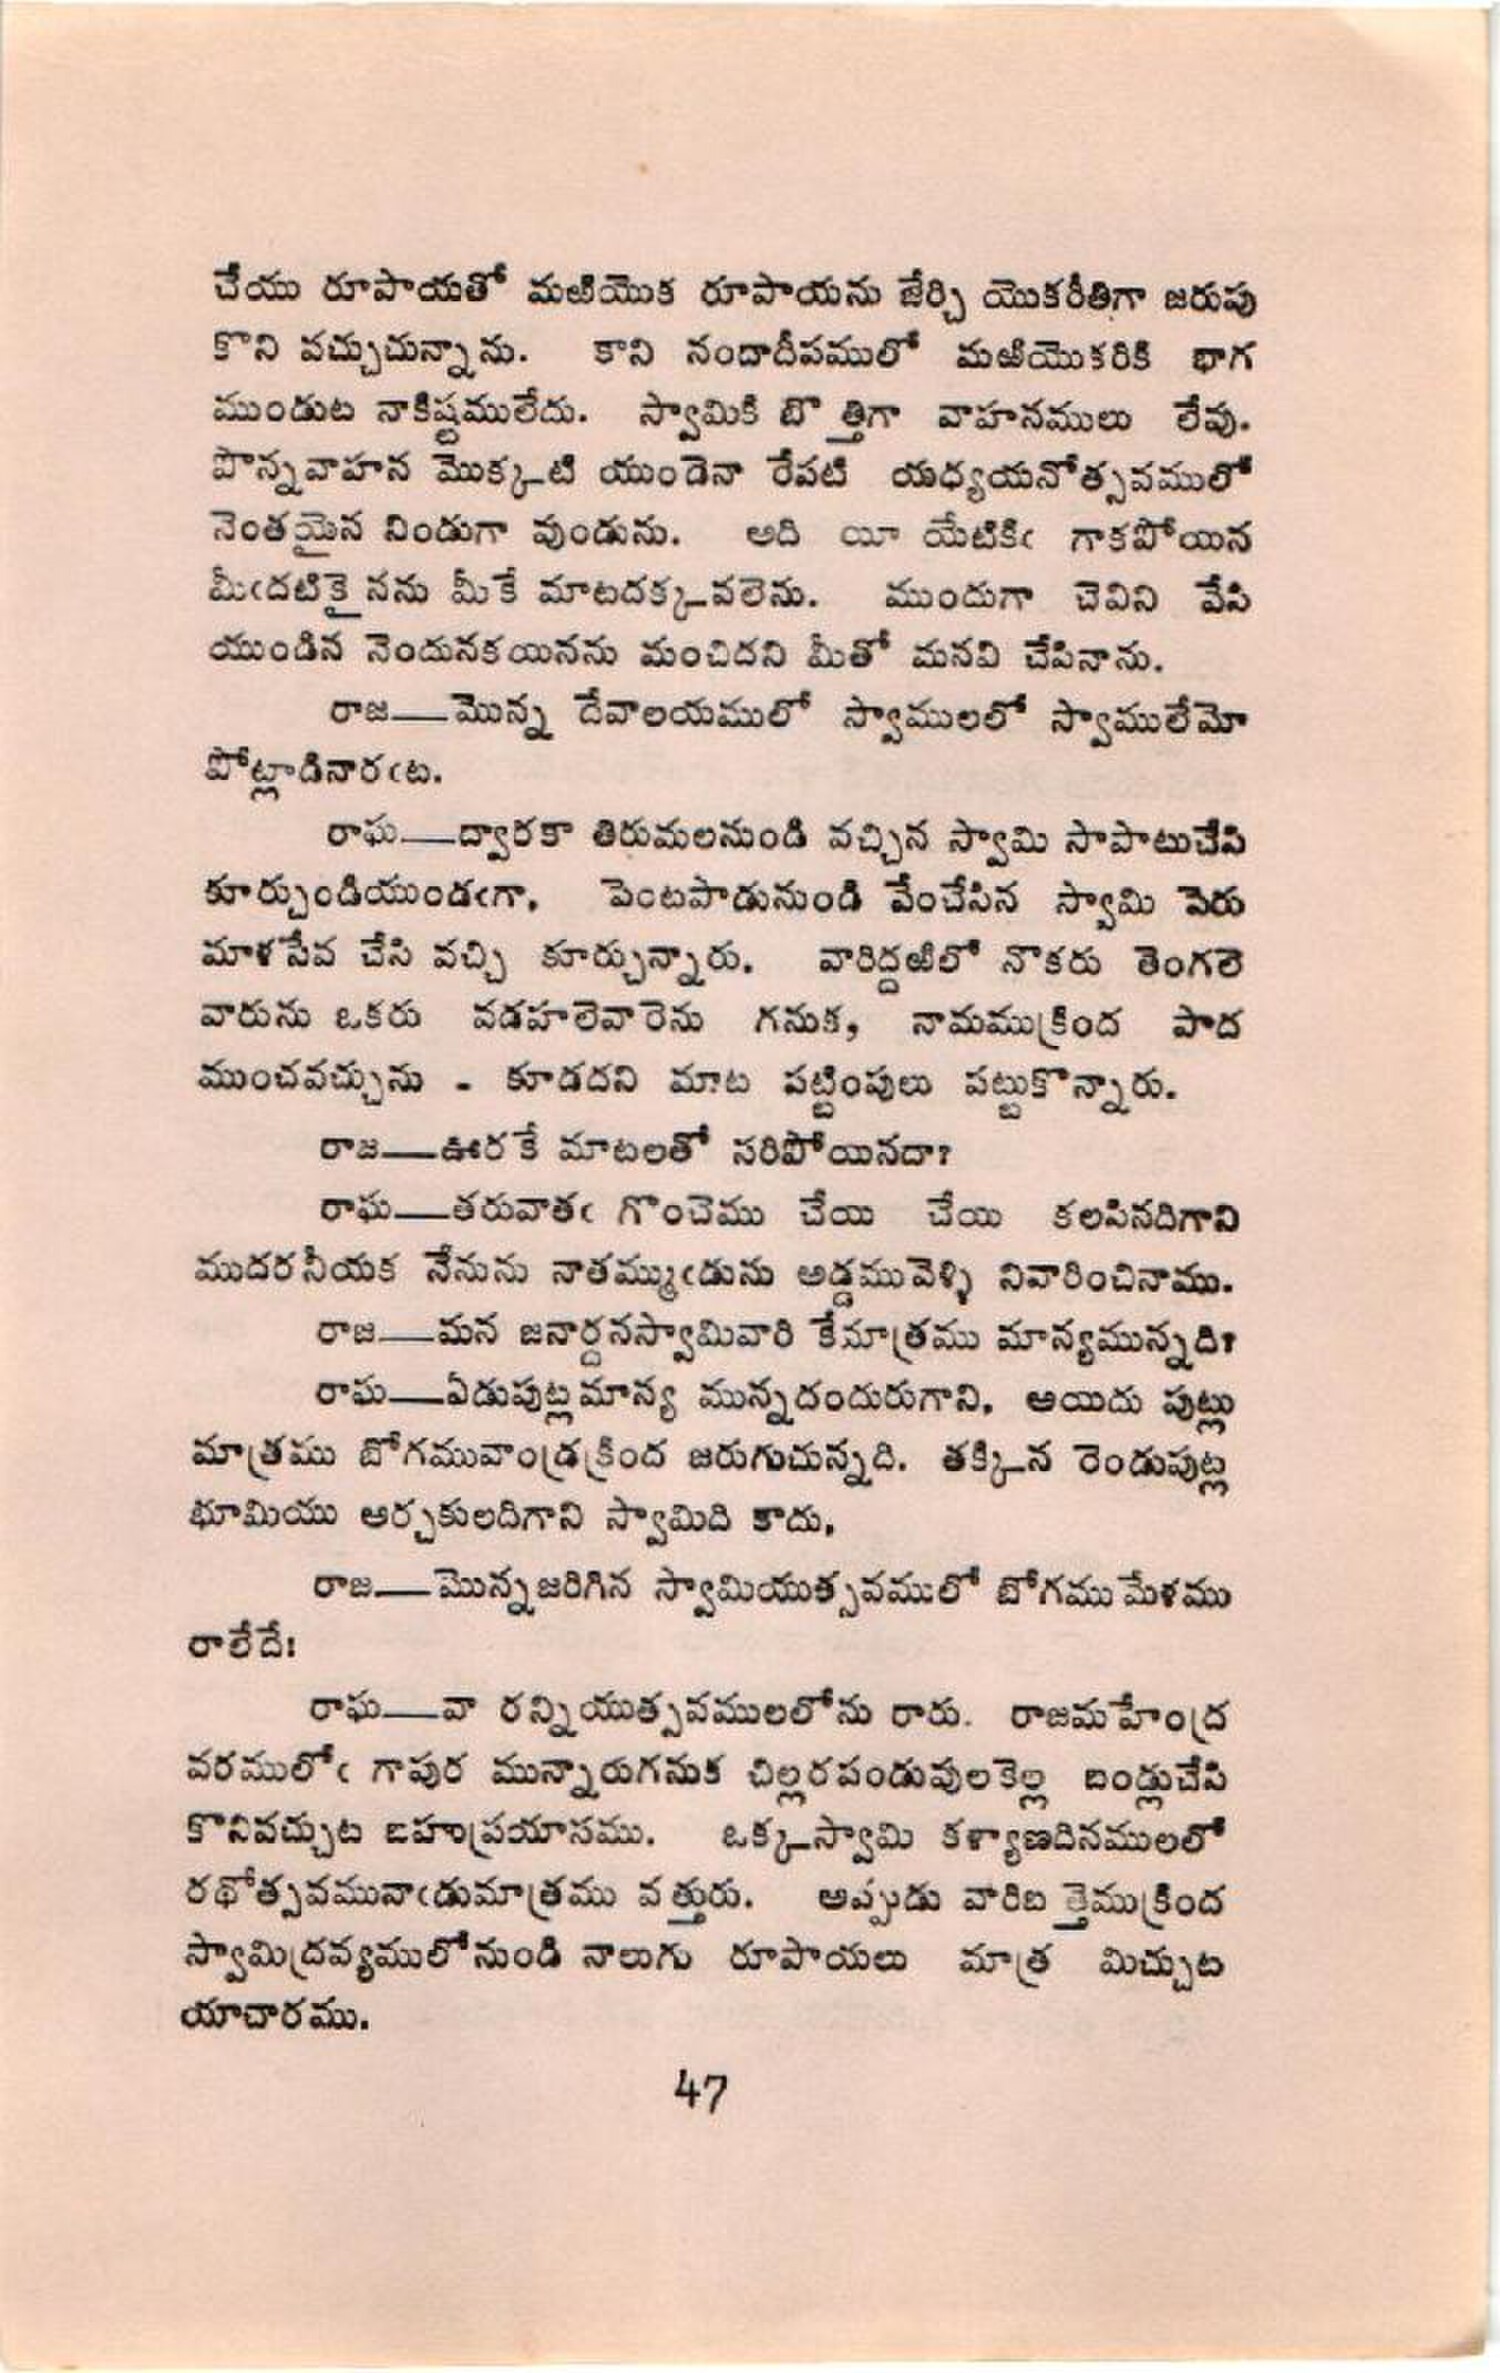చేయు రూపాయతో మఱియొక రూపాయను జేర్చి యొకరీతిగా జరుపు కొని వచ్చుచున్నాను. కాని నందాదీపములో మఱియొకరికి భాగ ముండుట నాకిష్టములేదు. స్వామికి బొత్తిగా వాహనములు లేవు. పొన్నవాహన మొక్కటి యుండెనా రేపటి యధ్యయునోత్సవములో నెంతయైన నిండుగా వుండును. అది యీ యేటికిఁ గాకపోయిన మీఁదటికైనను మీకే మాటదక్కవలెను. ముందుగా చెవిని వేసి యుండిన నెందునకయినను మంచిదని మీతో మనవి చేసినాను.

రాజ__మొన్న దేవాలయములో స్వాములలో స్వాములేమో పోట్లాడినారఁట.

రాఘ__ద్వారకా తిరుమలనుండి వచ్చిన స్వామి సాపాటుచేసి కూర్చుండియుండఁగా, పెంటపాడునుండి వేంచేసిన స్వామి పెరుమాళ సేవ చేసి వచ్చి కూర్చున్నారు, వారిద్దఱిలో నొకరు తెంగలె వారును ఒకరు వడహలెవారెను గనుక, నామము క్రింద పాద ముంచవచ్చును _ కూడదని మాట పట్టింపులు పట్టుకొన్నారు.

రాజ__ఊరకే మాటలతో సరిపోయినదా? 

రాఘ__తరువాతఁ గొంచెము చేయి చేయి కలసినదిగావి ముదరనీయక నేనును నాతమ్ముఁడును అడ్డము వెళ్ళి నివారించినాము. 

రాజ__మన జనార్ధనస్వామివారి కేమాత్రము మాన్యమున్నది?

రాఘ__ఏడుపుట్ల మాన్య మున్నదందురుగాని, అయిదు పుట్లు మాత్రము బోగమువాండ్రక్రింద జరుగుచున్నది. తక్కిన రెండుపట్ల భూమియు ఆర్చకులదిగాని స్వామిది కాదు,

రాజ__మొన్నజరిగిన స్వామియుత్సవములో బోగము మేళము రాలేదే :

రాఘ__వా రన్నియుత్సవములలోను రారు. రాజమహేంద్ర వరములోఁ గాపుర మున్నారుగనుక చిల్లర పండువులకెల్ల బండ్లు చేసి కొనివచ్చుట బహుప్రయాసము. ఒక్కస్వామి కళ్యాణదినములలో రథోత్సవమునాఁడుమాత్రము వత్తురు. అవ్పడు వారిబత్తెముక్రింద స్వామి ద్రవ్యములోనుండి నాలుగు రూపాయలు మాత్ర మిచ్చుట యాచారము.